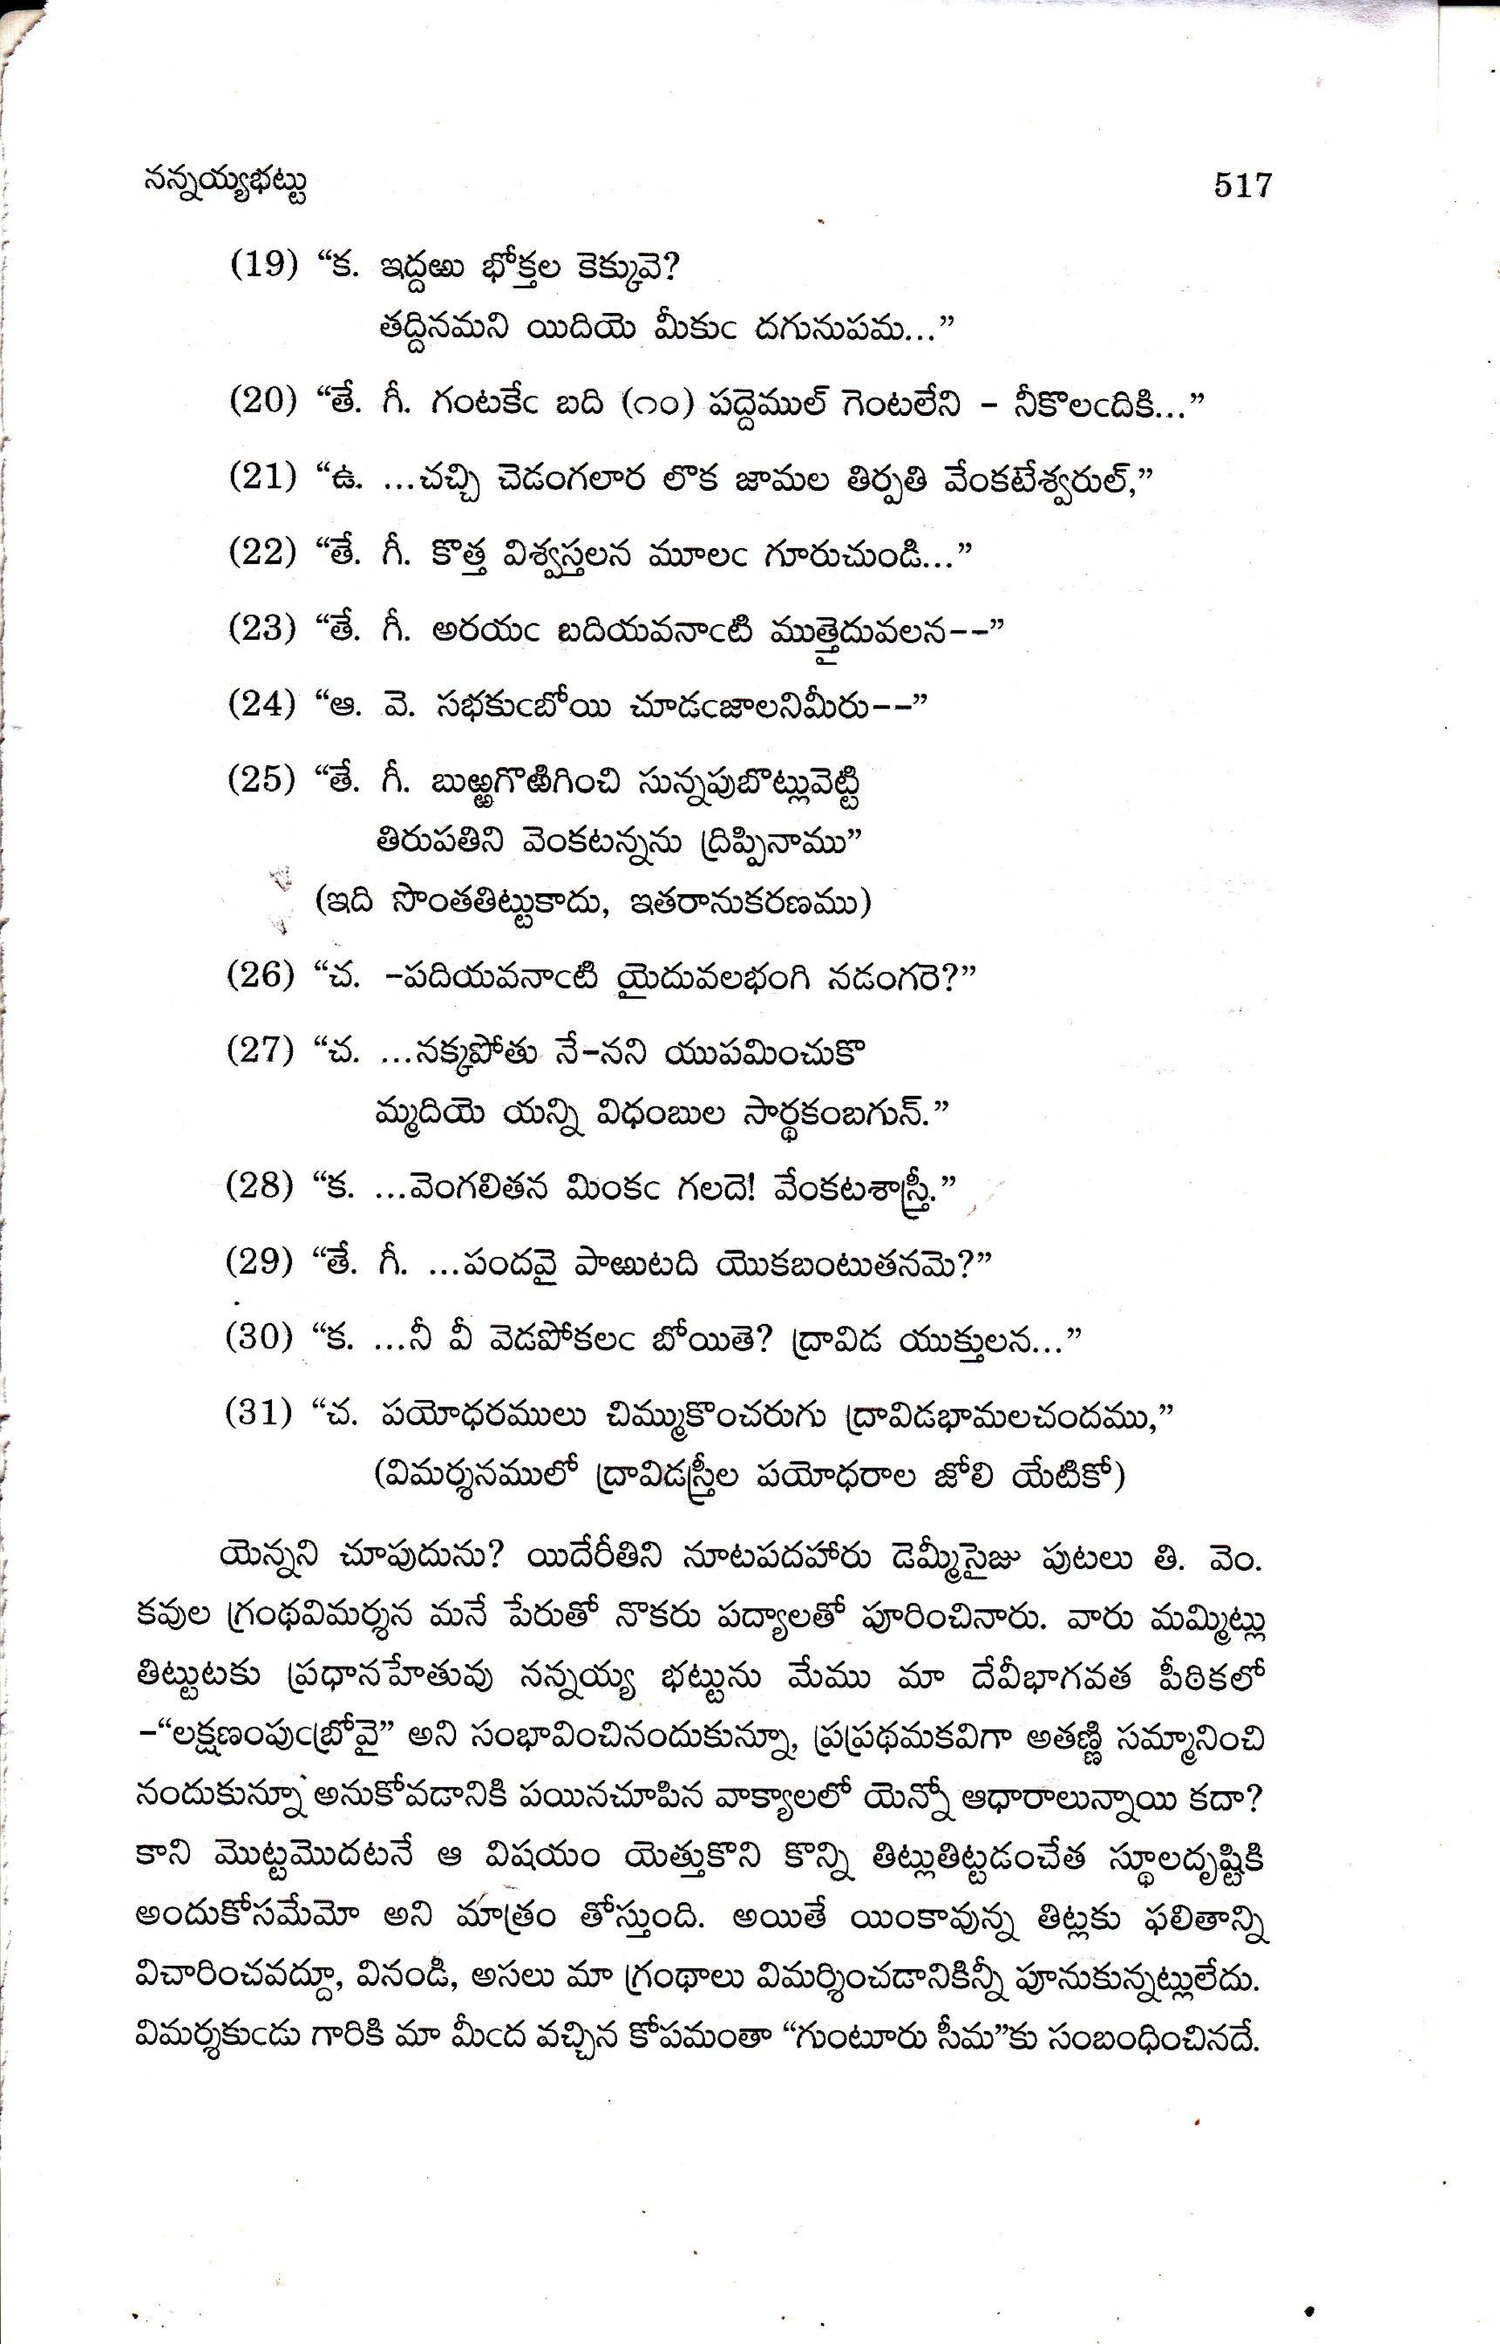(19) “క. ఇద్దఱు భోక్తల కెక్కువె?
 తద్దినమని యిదియె మీకుఁ దగునుపమ..."

(20) "తే, గీ. గంటకేఁ బది (10) పద్దెముల్ గెంటలేని - నీకొలఁదికి...” 

(21) “ఉ. ...చచ్చి చెడంగలార లొక జామల తిర్పతి వేంకటేశ్వరుల్," 

(22) “తే. గీ. కొత్త విశ్వస్తలన మూలఁ గూరుచుండి...” 

(23) “తే. గీ. అరయఁ బదియవనాcటి ముత్తైదువలన-- 

(24) “ఆ. వె. సభకుcబోయి చూడఁజాలనిమీరు--

(25) “తే, గీ. బుఱ్ఱగొఱిగించి సున్నపుబొట్లవెట్టి 
 తిరుపతిని వెంకటన్నను ద్రిప్పినాము" 
 (ఇది సొంతతిట్టుకాదు, ఇతరానుకరణము)

(26) “చ. -పదియవనాఁటి యైదువలభంగి నడంగరె?" 

(27) “చ. ...నక్కపోతు నే-నని యుపమించుకొ
 మ్మదియె యన్ని విధంబుల సార్థకంబగున్."

(28) “క. .వెంగలితన మింకఁ గలదే! వేంకటశాస్త్రీ."

(29) "తే, గీ. ...పందవై పాఱుటది యొకబంటుతనమె?" 

(30) "క ...నీ వీ వెడపోకలఁ బోయితె? ద్రావిడ యుక్తులన..."

(31) “చ. పయోధరములు చిమ్ముకొంచరుగు ద్రావిడభామలచందము,”
 (విమర్శనములో ద్రావిడస్త్రీల పయోధరాల జోలి యేటికో)
యెన్నని చూపుదును? యిదేరీతిని నూటపదహారు డెమ్మీసైజు పుటలు తి. వెం. కవుల గ్రంథవిమర్శన మనే పేరుతో నొకరు పద్యాలతో పూరించినారు. వారు మమ్మిట్లు తిట్టుటకు ప్రధానహేతువు నన్నయ్య భట్టును మేము మా దేవీభాగవత పీఠికలో -"లక్షణంపుఁబ్రోవై" అని సంభావించినందుకున్నూ, ప్రప్రథమకవిగా అతణ్ణి సమ్మానించి నందుకున్నూ అనుకోవడానికి పయినచూపిన వాక్యాలలో యెన్నో ఆధారాలున్నాయి కదా? కాని మొట్టమొదటనే ఆ విషయం యెత్తుకొని కొన్ని తిట్లుతిట్టడంచేత స్థూలదృష్టికి అందుకోసమేమో అని మాత్రం తోస్తుంది. అయితే యింకావున్న తిట్లకు ఫలితాన్ని విచారించవద్దూ, వినండి, అసలు మా గ్రంథాలు విమర్శించడానికిన్నీ పూనుకున్నట్లులేదు. విమర్శకుఁడు గారికి మా మీఁద వచ్చిన కోపమంతా "గుంటూరు సీమ"కు సంబంధించినదే.